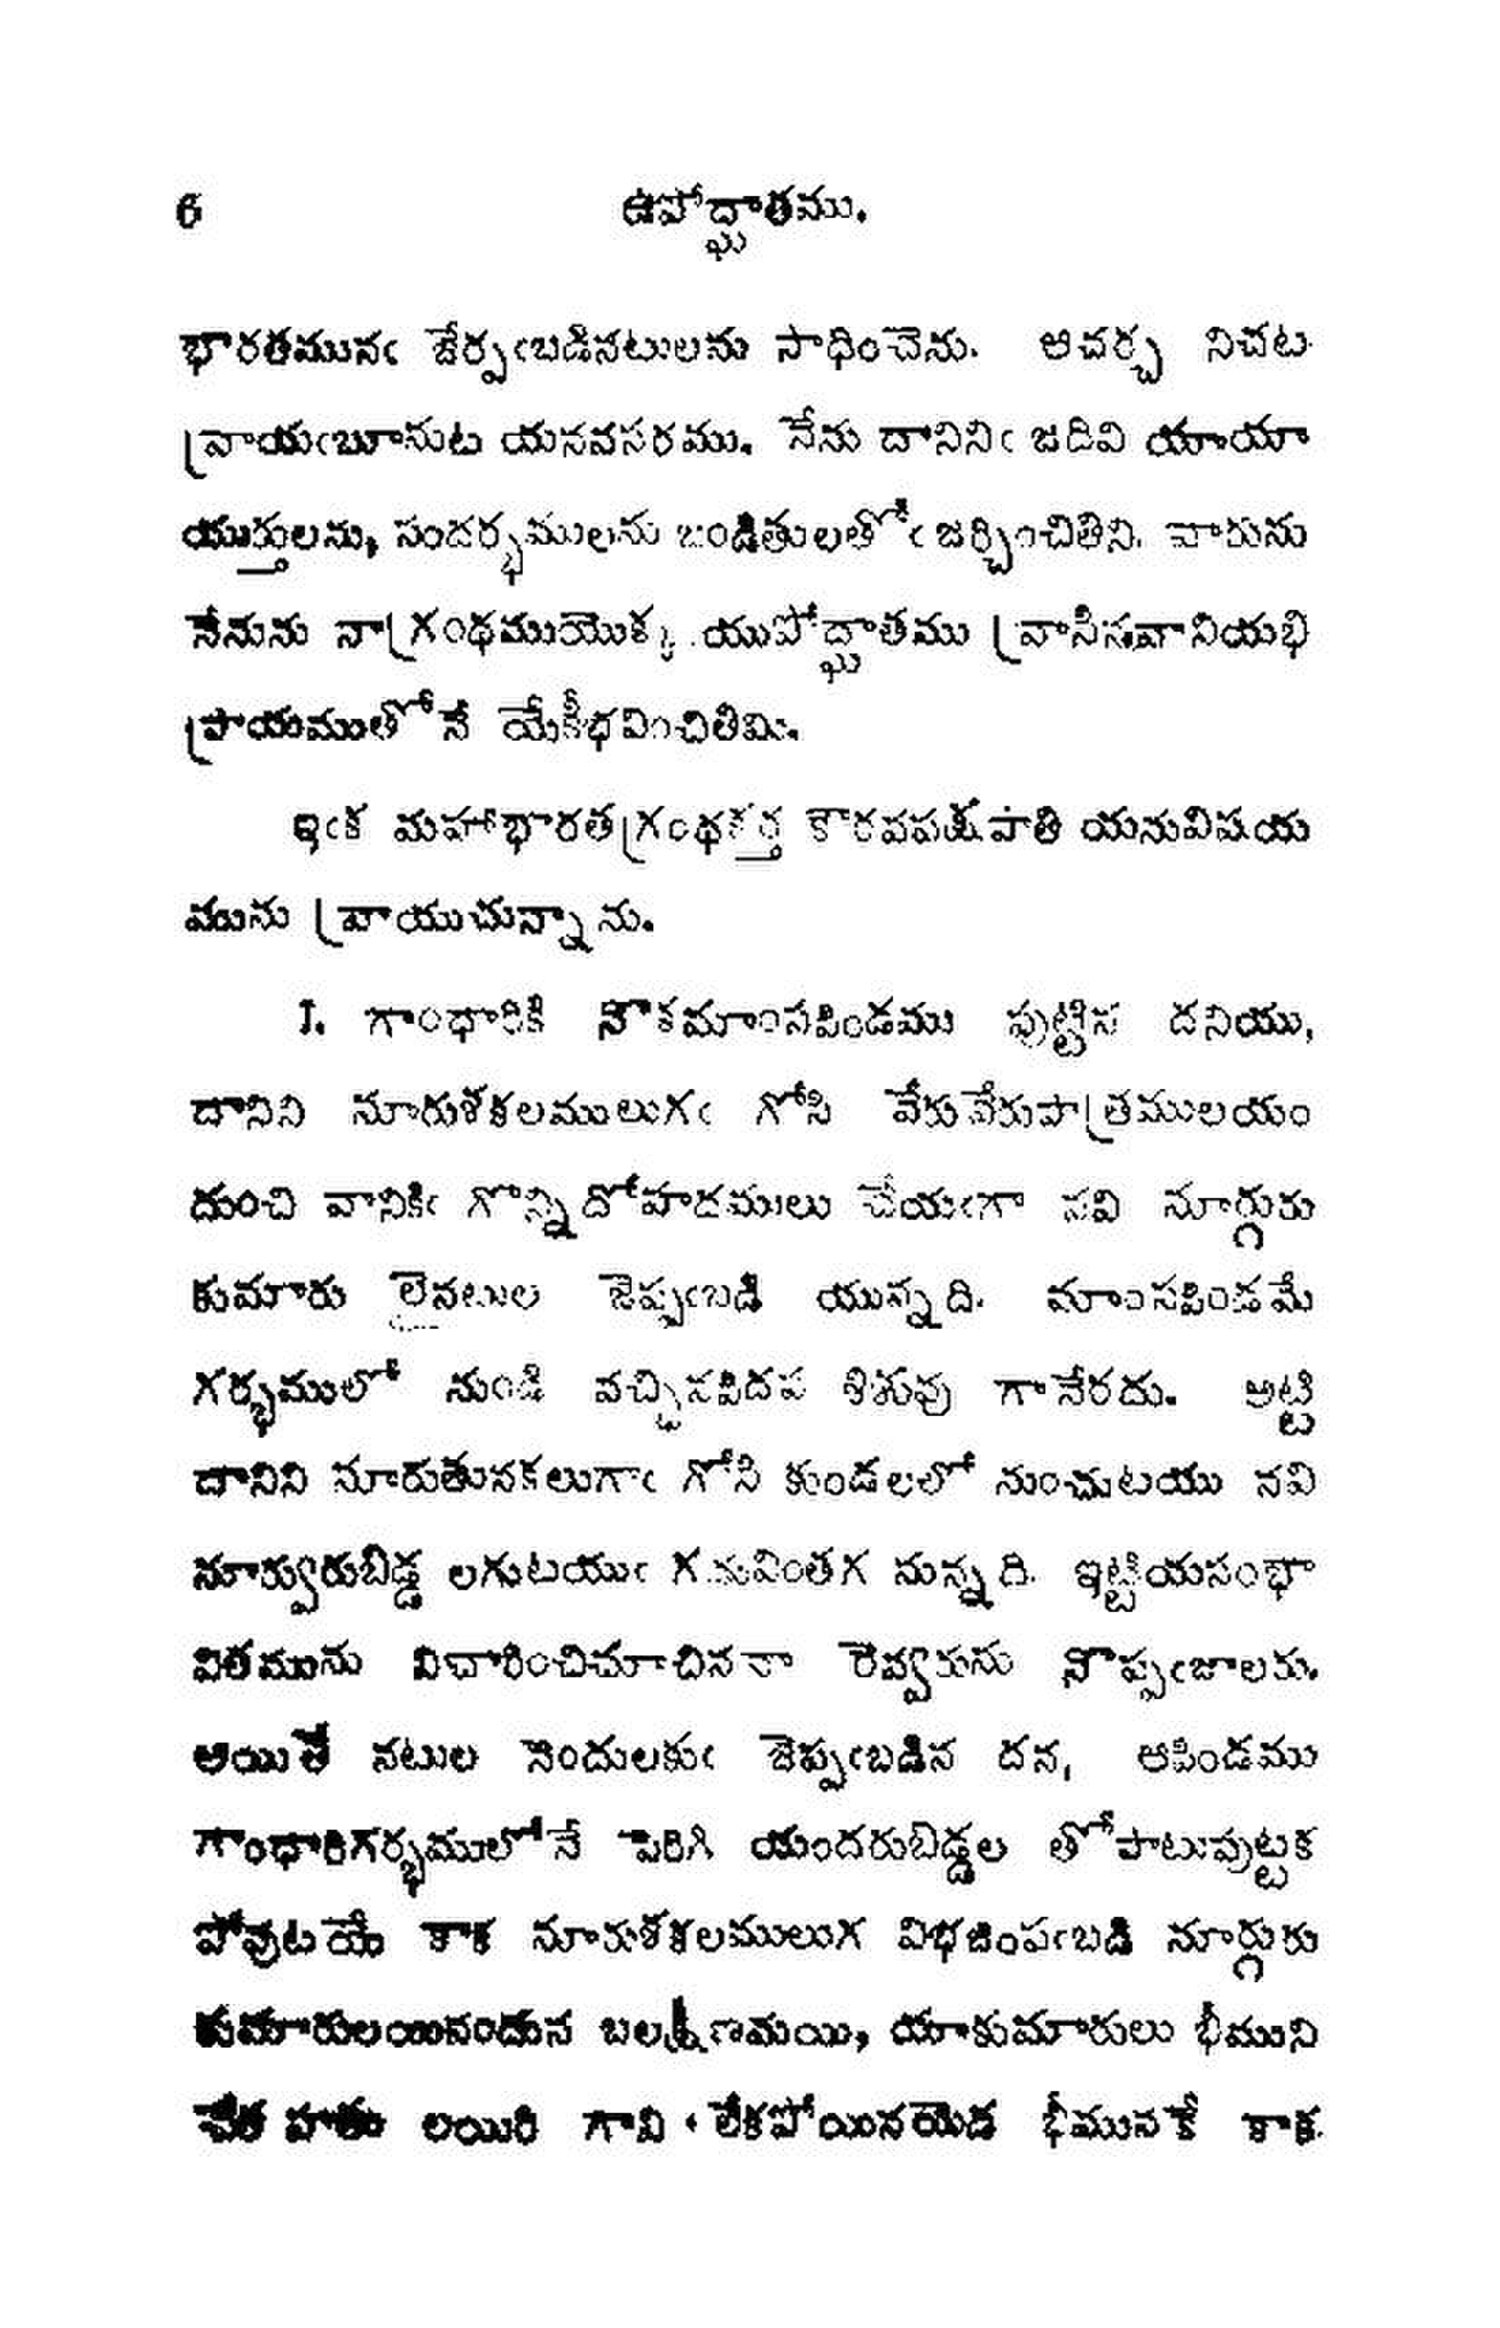భారతమునఁ జేర్పఁబడినటులను సాధించెను. ఆచర్చ నిచట వ్రాయఁబూనుట యనవసరము. నేను దానినిఁ జదివి యాయా యుక్తులను, సందర్భములను బండితులతోఁ జర్చించితిని. వారును నేనును నాగ్రంథముయొక్క యుపోద్ఘాతము వ్రాసినవానియభిప్రాయముతోనే యేకీభవించితిమి.

ఇఁక మహాభారతగ్రంథకర్త కౌరవపక్షపాతి యనువిషయమును వ్రాయుచున్నాను.

1. గాంధారికి నొకమాంసపిండము పుట్టిన దనియు, దానిని నూరుశకలములుగఁ గోసి వేరువేరు పాత్రములయం దుంచి వానికిఁ గొన్నిదోహదములు చేయఁగా నవి నూర్గురు కుమారు లైనటుల జెప్పఁబడి యున్నది. మాంసపిండమే గర్భములో నుండి వచ్చినపిదప శిశువు గానేరదు. అట్టి దానిని నూరుతునకలుగాఁ గోసి కుండలలో నుంచుటయు నవి నూర్వురుబిడ్డ లగుటయుఁ గడువింతగ నున్నది. ఇట్టియసంభావితమును విచారించిచూచినవా రెవ్వరును నొప్పఁజాలరు. అయితే నటుల నెందులకుఁ జెప్పఁబడిన దన, ఆపిండము గాంధారిగర్భములోనే పెరిగి యందరుబిడ్డల తోపాటుపుట్టక పోవుటయే కాక నూరుశకలములుగా విభజింపఁబడి నూర్గురు కుమారులయినందున బలక్షీణమయి, యాకుమారులు భీముని చేత హతు లయిరి గాని లేకపోయినయెడ భీమునకే కాక